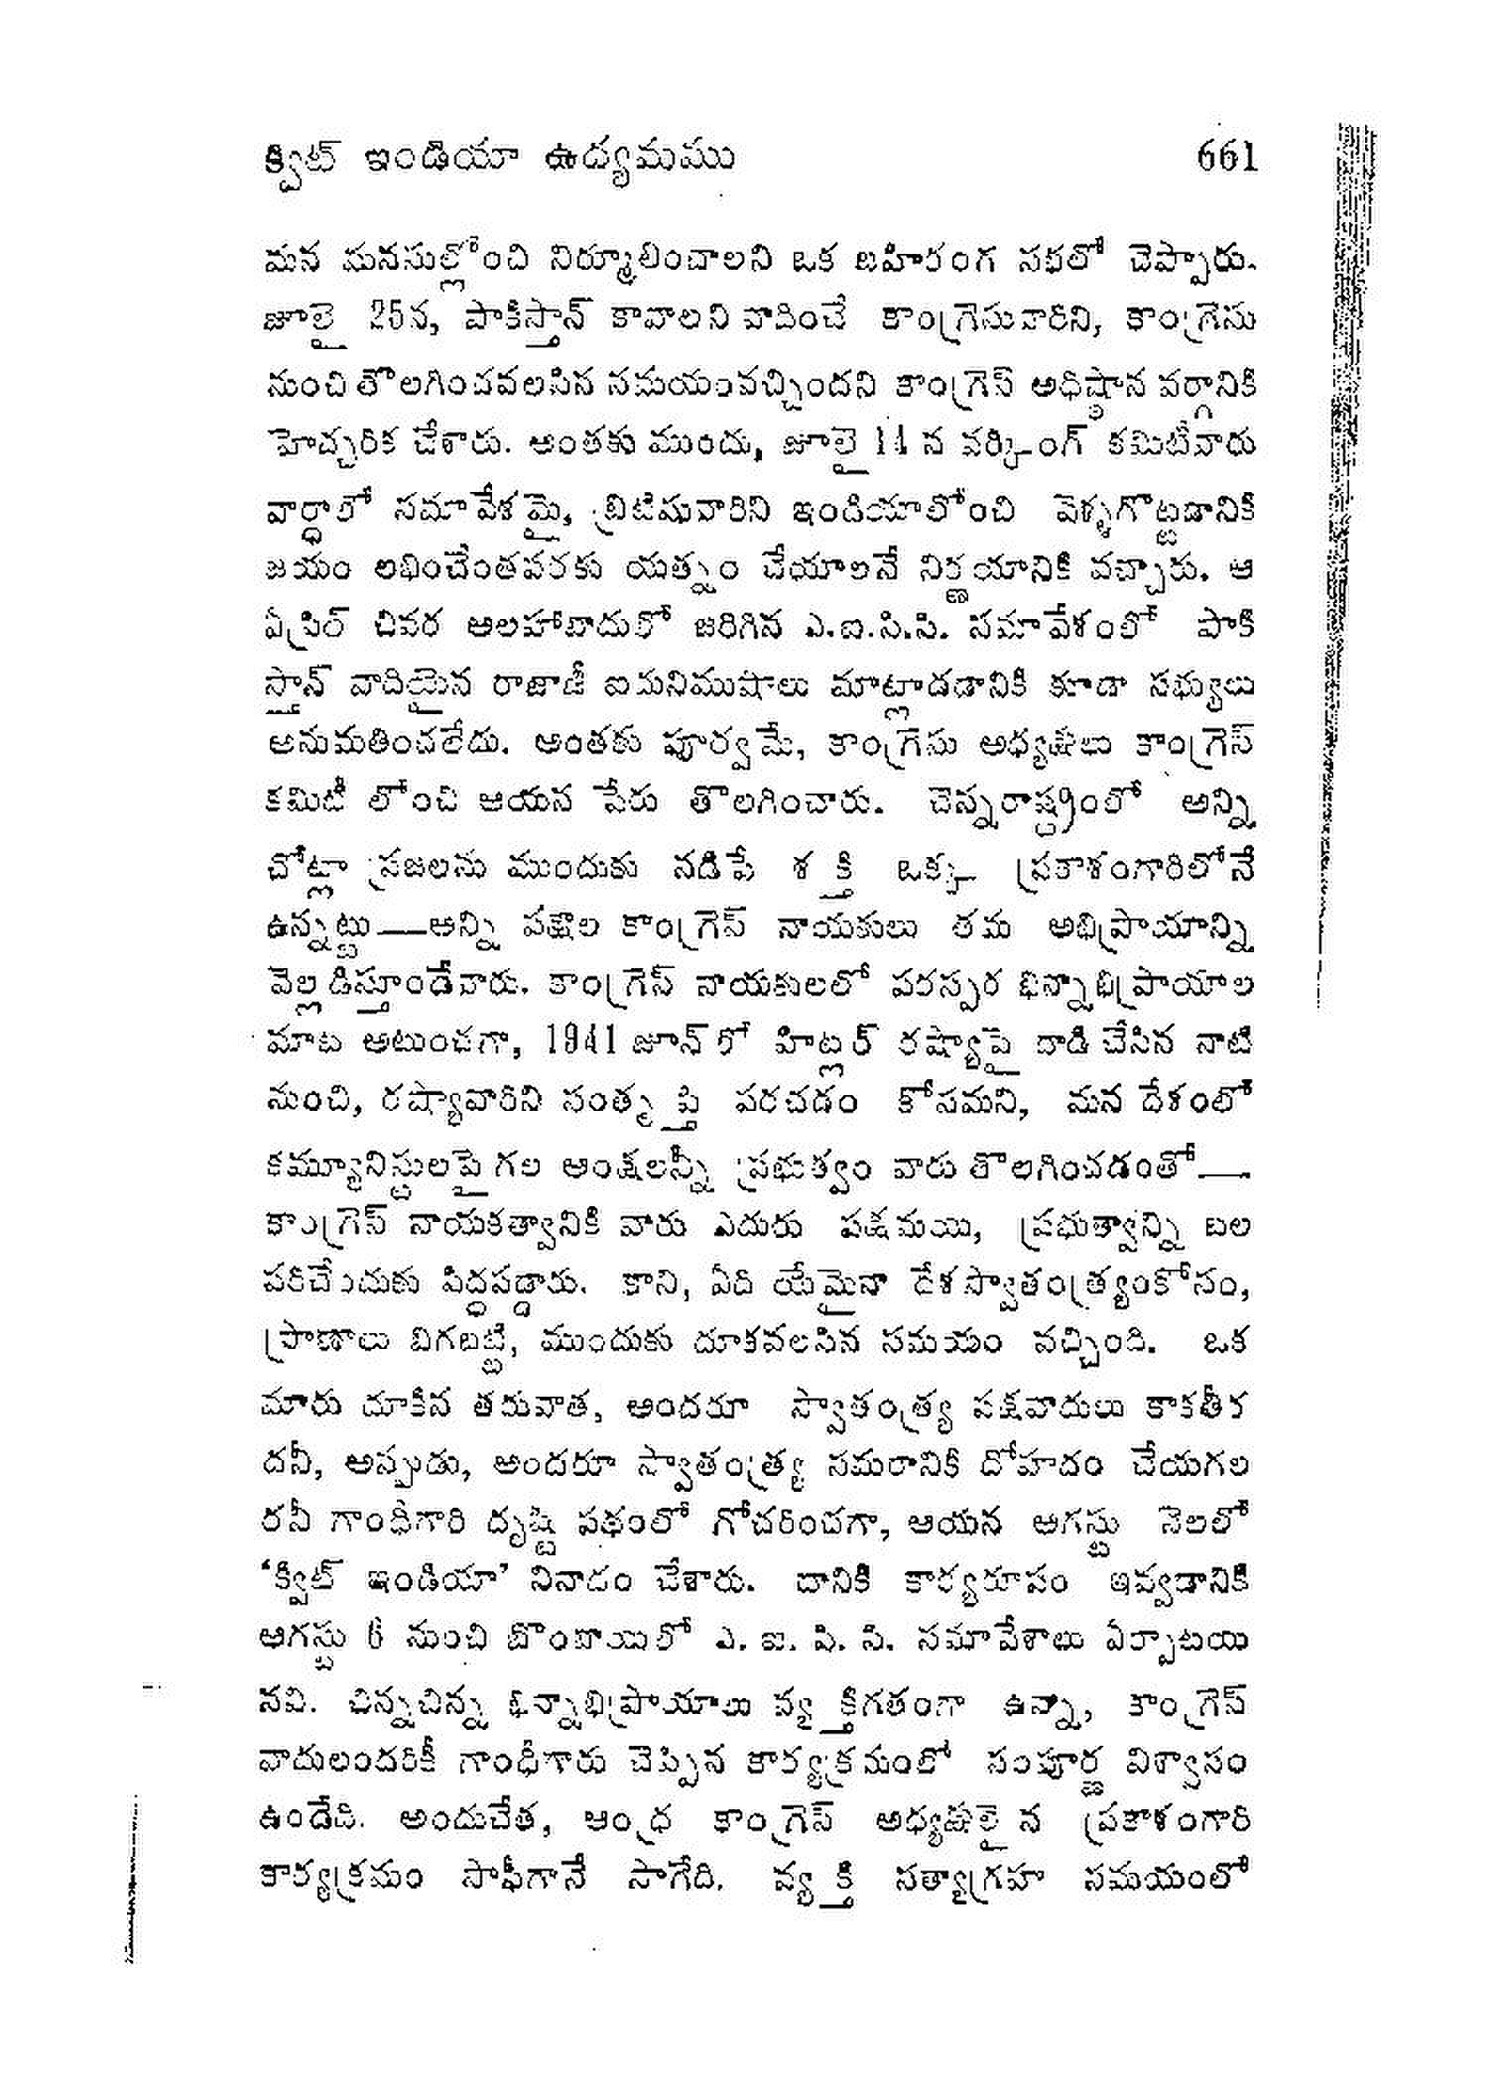మన మనసుల్లోంచి నిర్మూలించాలని ఒక బహిరంగ సభలో చెప్పారు. జూలై 25న, పాకిస్తాన్ కావాలని వాదించే కాంగ్రెసువారిని, కాంగ్రెసు నుంచి తొలగించవలసిన సమయంవచ్చిందని కాంగ్రెస్ అధిష్ఠాన వర్గానికి హెచ్చరిక చేశారు. అంతకు ముందు, జూలై 14 న వర్కింగ్ కమిటీవారు వార్ధాలో సమావేశమై, బ్రిటిషువారిని ఇండియాలోంచి వెళ్ళగొట్టడానికి జయం లభించేంతవరకు యత్నం చేయాలనే నిర్ణయానికి వచ్చారు. ఆ ఏప్రిల్ చివర అలహాబాదులో జరిగిన ఎ.ఐ.సి.సి. సమావేశంలో పాకిస్తాన్ వాదియైన రాజాజీ ఐదునిముషాలు మాట్లాడడానికి కూడా సభ్యులు అనుమతించలేదు. అంతకు పూర్వమే, కాంగ్రెసు అధ్యక్షులు కాంగ్రెస్ కమిటీ లోంచి ఆయన పేరు తొలగించారు. చెన్నరాష్ట్రంలో అన్ని చోట్లా ప్రజలను ముందుకు నడిపే శక్తి ఒక్క ప్రకాశంగారిలోనే ఉన్నట్టు - అన్ని పక్షాల కాంగ్రెస్ నాయకులు తమ అభిప్రాయాన్ని వెల్లడిస్తూండేవారు. కాంగ్రెస్ నాయకులలో పరస్పర భిన్నాభిప్రాయాల మాట అటుంచగా, 1941 జూన్ లో హిట్లర్ రష్యాపై దాడి చేసిన నాటినుంచి, రష్యావారిని సంతృప్తి పరచడం కోసమని, మన దేశంలో కమ్యూనిస్టులపైగల ఆంక్షలన్నీ ప్రభుత్వం వారు తొలగించడంతో - కాంగ్రెస్ నాయకత్వానికి వారు ఎదురు పక్షమయి, ప్రభుత్వాన్ని బలపరిచేందుకు సిద్ధపడ్డారు. కాని, ఏది యేమైనా దేశస్వాతంత్ర్యంకోసం, ప్రాణాలు బిగబట్టి, ముందుకు దూకవలసిన సమయం వచ్చింది. ఒక మారు దూకిన తరువాత, అందరూ స్వాతంత్ర్య పక్షవాదులు కాకతీరదనీ, అప్పుడు, అందరూ స్వాతంత్ర్య సమరానికి దోహదం చేయగలరనీ గాంధీగారి దృష్టి పథంలో గోచరించగా, ఆయన ఆగస్టు నెలలో 'క్విట్ ఇండియా' నినాదం చేశారు. దానికి కార్యరూపం ఇవ్వడానికి ఆగస్టు 6 నుంచి బొంబాయిలో ఎ.ఐ.సి.సి. సమావేశాలు ఏర్పాటయినవి. చిన్నచిన్న భిన్నాభిప్రాయాలు వ్యక్తిగతంగా ఉన్నా, కాంగ్రెస్ వాదులందరికీ గాంధీగారు చెప్పిన కార్యక్రమంలో సంపూర్ణ విశ్వాసం ఉండేది. అందుచేత, ఆంధ్ర కాంగ్రెస్ అధ్యక్షులైన ప్రకాశంగారి కార్యక్రమం సాఫీగానే సాగేది. వ్యక్తి సత్యాగ్రహ సమయంలో